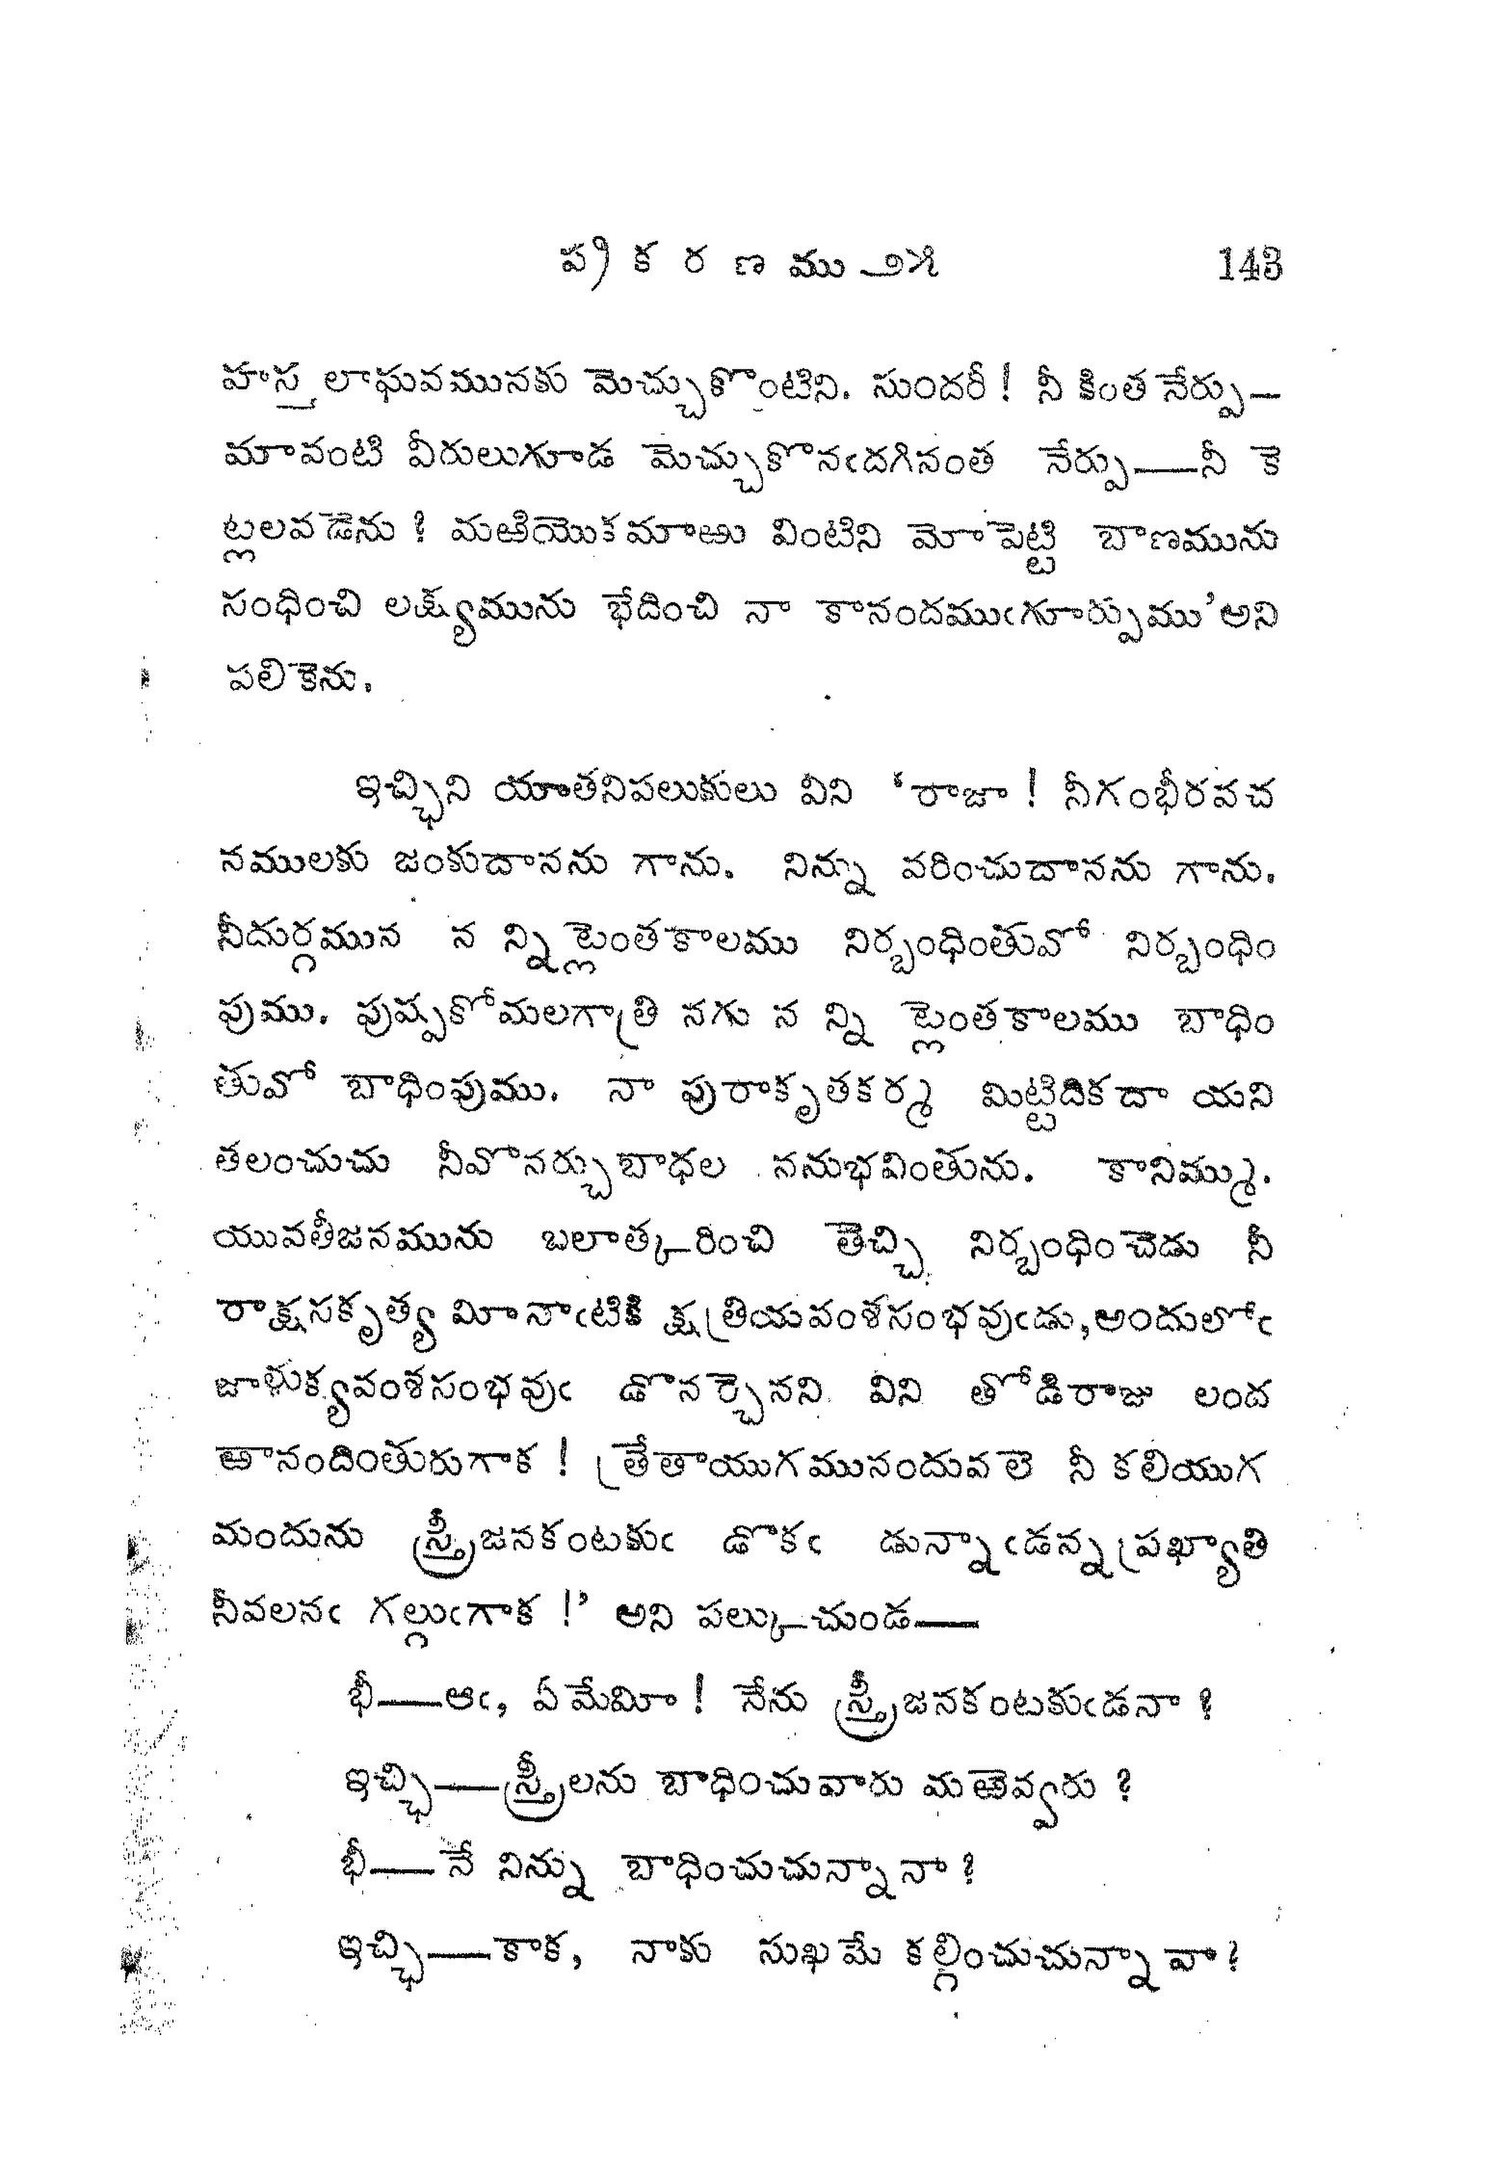హస్త లాఘవమునకు మెచ్చుకొంటిని. సుందరీ! నీ కింత నేర్పు-
మావంటి వీరులుగూడ మెచ్చుకొనఁదగినంత నేర్పు-నీ కే
ట్లలవడెను ! మఱియొక మాఱు వింటిని మో పెట్టి బాణమును
సంధించి లక్ష్యమును భేదించి నా కానందముఁగూర్పుము' అని
పలికెను.

ఇచ్ఛిని యాతని పలుకులు వీని 'రాజా ! నీగంభీరవచ
నములకు జంకుదానను గాను. నిన్ను వరించు దానను గాను.
నీదుర్గమున నన్ని టైంత కాలము నిర్బంధింతువో నిర్బంధిం
పుము. పుష్పకోమలగాత్రి నగు నన్నిట్లెంత కాలము బాధిం
తువో బాధింపుము. నా పురాకృతకర్మ మిట్టిదిక దా యని
తలంచుచు నీవొనర్చు బాధల ననుభవింతును. కానిమ్ము.
యువతీజనమును బలాత్కరించి తెచ్చి నిర్బంధిం చెడు నీ
రాక్షసకృత్య మీస్మొటికి క్షత్రియ వంశసంభవుఁడు, అందులోఁ
చాళుక్యవంశసంభవుఁ డొనర్చెనని విని తోడిరాజు లంద
ఱానందింతురుగాక ! త్రేతాయుగమునందువలె నీకలియుగ
మందును స్త్రీ జనకంటకుఁ డొకఁ డున్నాఁడన్న ప్రఖ్యాతి
నీవలనఁ గలుఁగాక ! ' అని పల్కుచుండ --

భీ: ఆఁ, ఏమేమో ! నేను స్త్రీ జనకంటకుఁడనా ?

ఇచ్ఛి: -స్త్రీలను బాధించువారు మ రెవ్వరు ?

భీ: నిన్ను బాధించుచున్నానా ?

ఇచ్చి: — కాక, నాకు సుఖమే కల్గించుచున్నా వా !